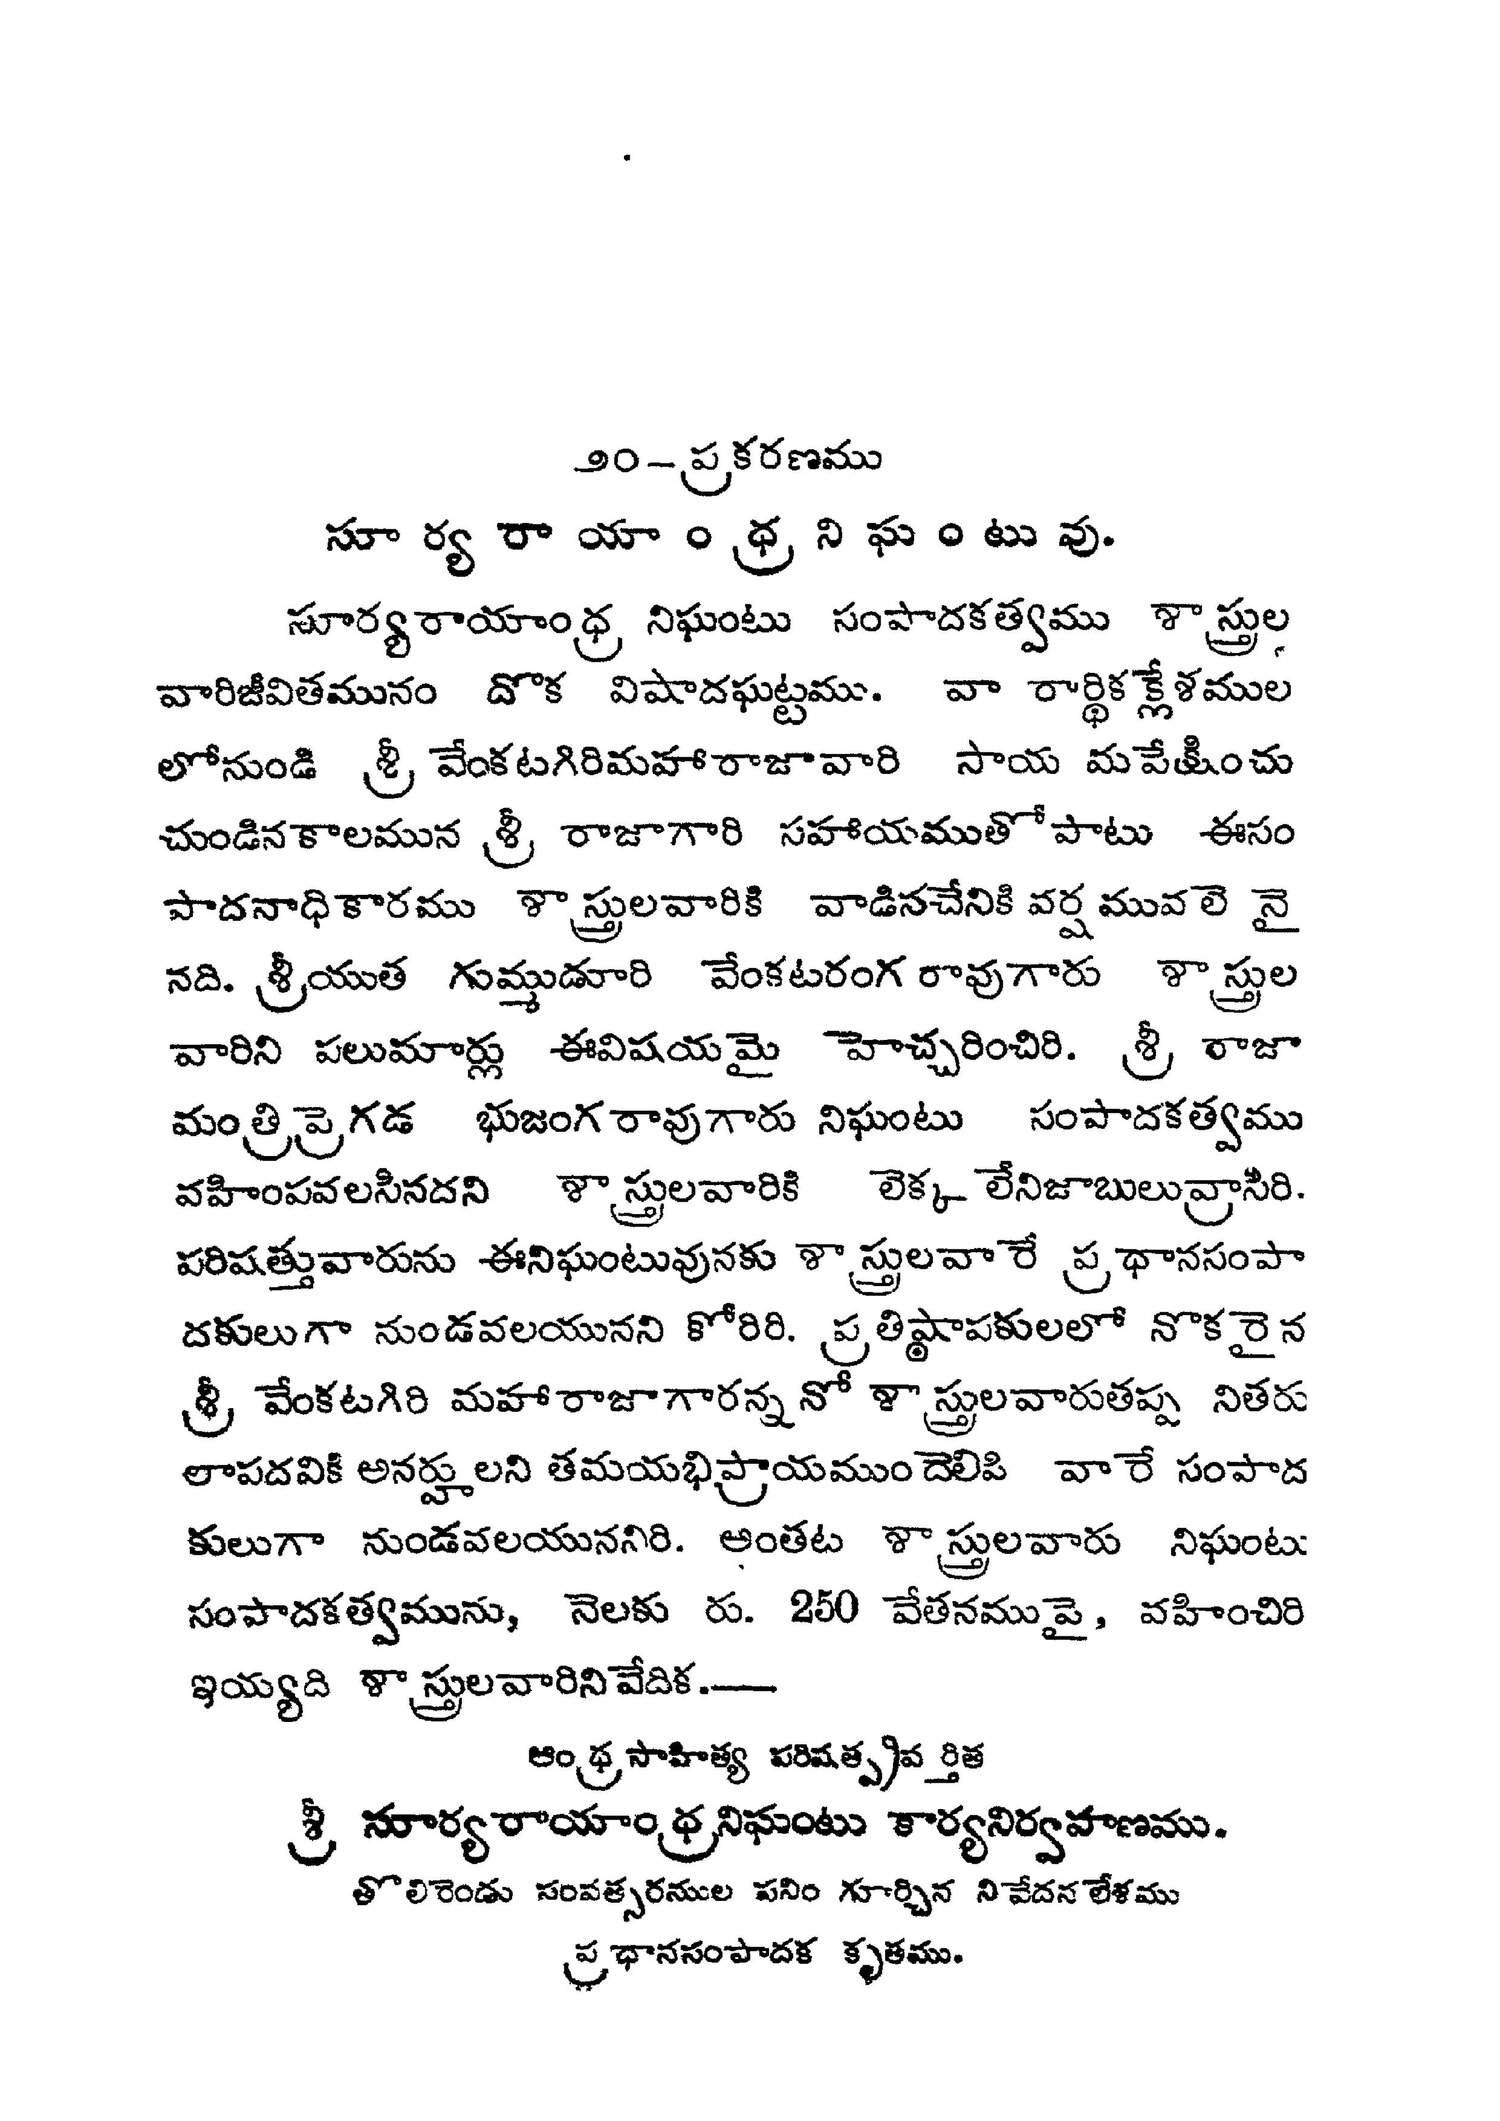సూర్యరాయాంధ్ర నిఘంటు సంపాదకత్వము శాస్త్రుల వారిజీవితమునం దొక విషాదఘట్టము. వా రార్థికక్లేశములలోనుండి శ్రీ వేంకటగిరిరాజావారి సాయ మపేక్షించు చుండినకాలమున శ్రీ రాజాగారి సహాయముతోపాటు ఈసంపాదనాధికారము శాస్త్రులవారికి వాడిన చేనికి వర్షమువలె నైనది. శ్రీయుత గుమ్ముడూరి వేంకటరంగ రావుగారు శాస్త్రులవారిని పలుమార్లు ఈవిషయమై హెచ్చరించిరి. శ్రీ రాజా మంత్రిప్రెగడ భుజంగరావుగారు నిఘంటు సంపాదకత్వము వహింపవలసినదని శాస్త్రులవారికి లెక్క లేని జాబులువ్రాసిరి. పరిషత్తువారును ఈనిఘంటువునకు శాస్త్రులవారే ప్రథానసంపాదకులుగా నుండవలయునని కోరిరి. ప్రతిష్ఠాపకులలో నొకరైన శ్రీ వేంకటగిరి మహారాజాగారన్ననో శాస్త్రులవారుతప్ప నితరులాపదవికి అనర్హులని తమయభిప్రాయముందెలిపి వారే సంపాదకులుగా నుండవలయుననిరి. అంతట శాస్త్రులవారు నిఘంటు సంపాదకత్వమును, నెలకు రు. 250 వేతనముపై, వహించిరి. ఇయ్యది సాస్త్రులవారినివేదిక. -